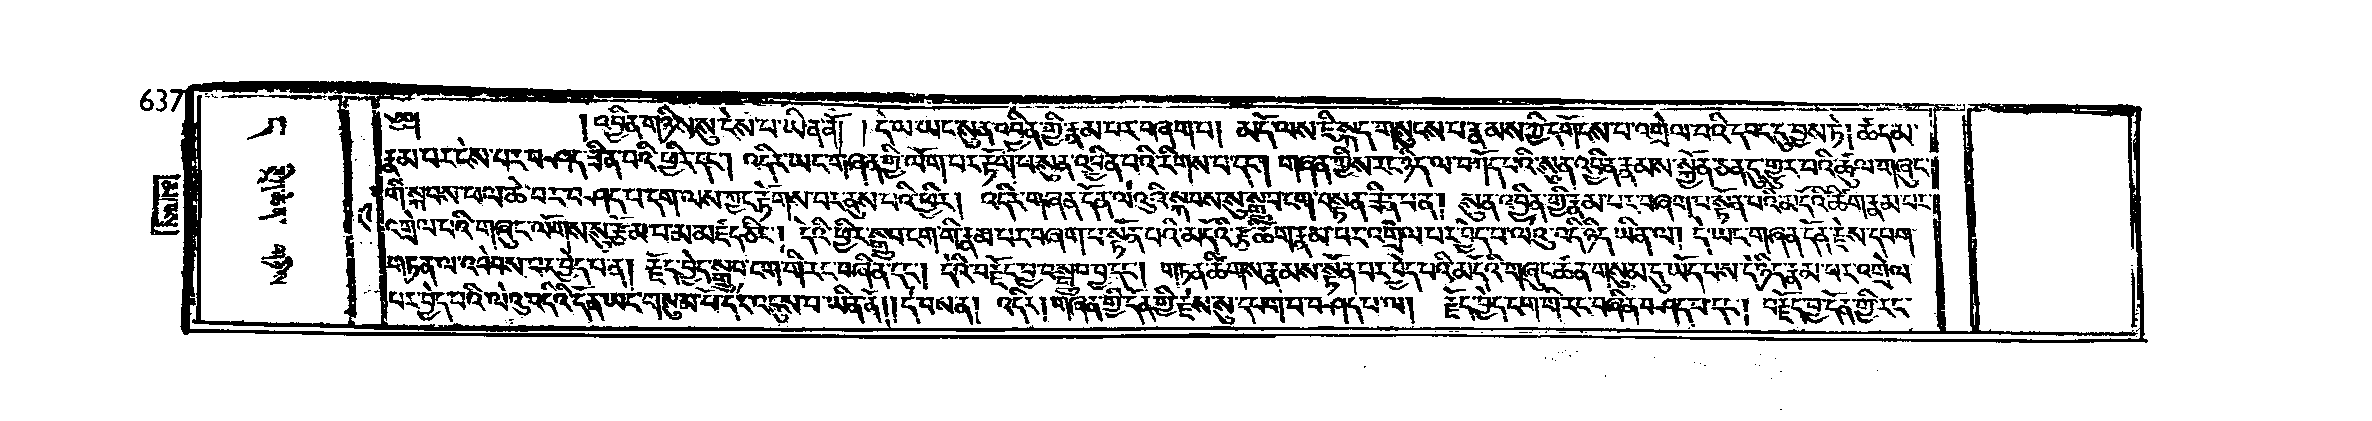༄༅། །འབྱིན་གཉིས་སུ་ངེས་པ་ཡིན་ནོ། །དེ་ལ་ཡང་སུན་འབྱིན་གྱི་རྣམ་པར་བཞག་པ། མདོ་ལས་ཇི་སྐད་གསུངས་པ་རྣམས་ཀྱི་དགོངས་པ་འགྲེལ་བའི་དབང་དུ་བྱས་ཏེ། ཚད་མ་
རྣམ་པར་ངེས་པར་བཤད་ཟིན་པའི་ཕྱིར་དང་། འདིར་ཡང་གཞན་གྱི་ལོག་པར་རྟོག་པ་སུན་འབྱིན་པའི་རིགས་པ་དང་། གཞན་གྱིས་རང་ཉིད་ལ་བཀོད་པའི་སུན་འབྱིན་རྣམས་སྐྱོན་ཅན་དུ་གྱུར་བའི་ཚུལ་གཞུང་
གི་སྐབས་ཕལ་ཆེ་བར་བཤད་པ་དག་ལས་ཀྱང་རྟོགས་པར་ནུས་པའི་ཕྱིར། འདིར་གཞན་དོན་ལེའུའི་སྐབས་སུ་སྒྲུབ་ངག་བསྟན་ཟིན་པ་ན། སུན་འབྱིན་གྱི་རྣམ་པར་བཞག་པ་སྟོན་པའི་མདོའི་ཚིག་རྣམ་པར་
འགྲེལ་བའི་གཞུང་ལོགས་སུ་རྩོམ་པ་མ་མཛད་ཅིང་། དེའི་ཕྱིར་སྒྲུབ་ངག་གི་རྣམ་པར་བཞག་པ་སྟོན་པའི་མདོའི་རྩ་ཚིག་རྣམ་པར་འགྲེལ་བར་བྱེད་པ་ལེའུ་འདི་ཉིད་ཡིན་ལ། དེ་ཡང་གཞན་དོན་རྗེས་དཔག་
གཏན་ལ་འབེབས་པར་བྱེད་པ་ན། རྗོད་བྱེད་སྒྲུབ་ངག་གི་རང་བཞིན་དང་། དེའི་བརྗོད་བྱ་བསྒྲུབ་བྱ་དང་། གཏན་ཚིགས་རྣམས་སྟོན་པར་བྱེད་པའི་མདོའི་གཞུང་ཚན་གསུམ་དུ་ཡོད་པས་དེ་ཉིད་རྣམ་པར་འགྲེལ་
བར་བྱེད་པའི་ལེའུ་འདིའི་དོན་ཡང་གསུམ་པོ་དེར་འདུས་པ་ཡིན་ནོ། །དེ་བས་ན། འདིར། གཞན་གྱི་དོན་གྱི་རྗེས་སུ་དཔག་པ་བཤད་པ་ལ། རྗོད་བྱེད་ངག་གི་རང་བཞིན་བཤད་པ་དང་། བརྗོད་བྱ་དོན་གྱི་རང་